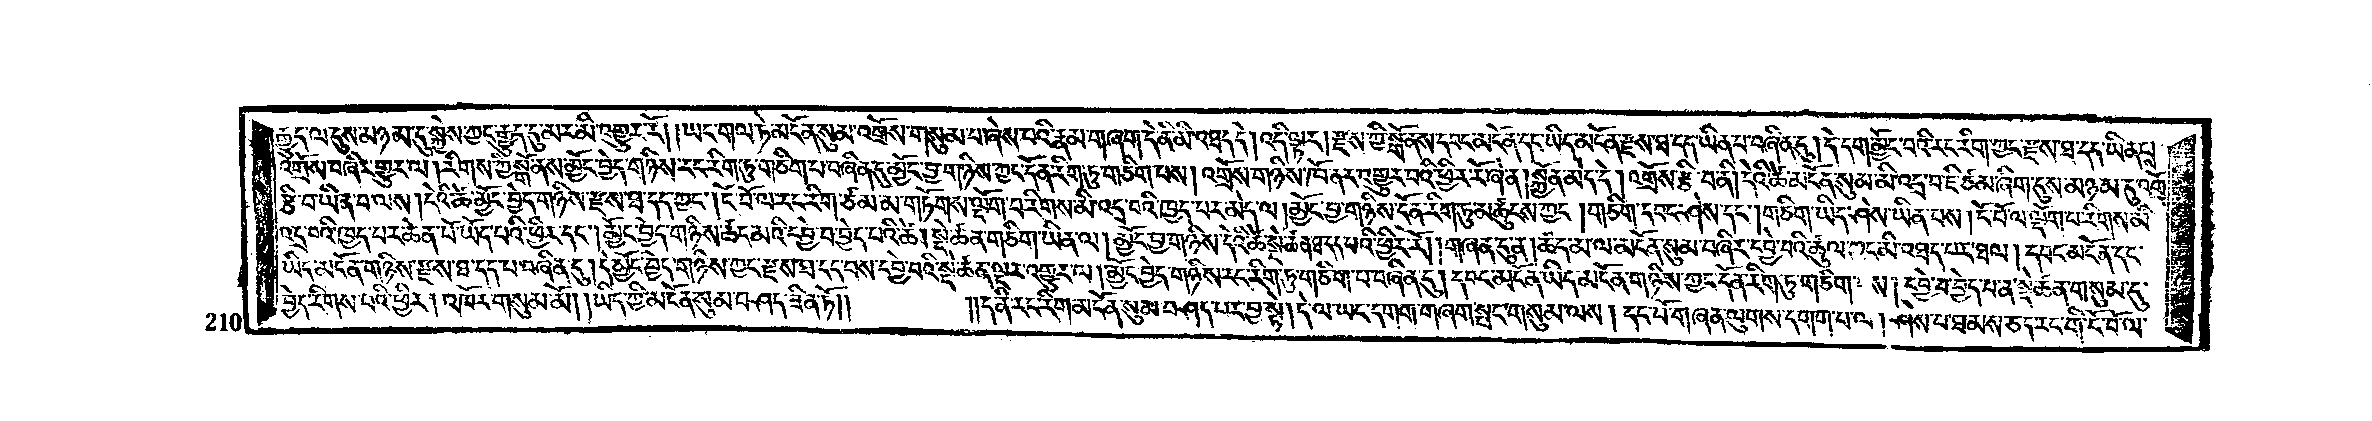རྒྱུད་ལ་དུས་མཉམ་དུ་སྐྱེས་ཀྱང་རྒྱུད་དུ་མར་མི་འགྱུར་རོ། །ཡང་གལ་ཏེ་མངོན་སུམ་འགྲོས་གསུམ་པ་ཞེས་པའི་རྣམ་གཞག་དེ་ནི་མི་འཐད་དེ། འདི་ལྟར། རྫས་ཀྱི་སྒོ་ནས་དབང་མངོན་དང་ཡིད་མངོན་རྫས་ཐ་དད་ཡིན་པ་བཞིན་དུ། དེ་དག་མྱང་བའི་རང་རིག་ཀྱང་རྫས་ཐ་དད་ཡིན་པས་
འགྲོས་བཞིར་གྱུར་ལ། རིགས་ཀྱི་སྒོ་ནས་མྱོང་བྱེད་གཉིས་རང་རིག་ཏུ་གཅིག་པ་བཞིན་དུ་མྱོང་བྱ་གཉིས་ཀྱང་དོན་རིག་ཏུ་གཅིག་པས། འགྲོས་གཉིས་ཁོ་ནར་འགྱུར་བའི་ཕྱིར་རོ་ཞེ་ན། སྐྱོན་མེད་དེ། འགྲོས་རྩི་བ་ནི། དེའི་ཚེ་མངོན་སུམ་མི་འདྲ་བ་ཇི་ཙམ་ཞིག་དུས་མཉམ་དུ་འགྲོ་
རྩི་བ་ཡིན་པ་ལས། དེའི་ཚེ་མྱོང་བྱེད་གཉིས་རྫས་ཐ་དད་ཀྱང་། ངོ་བོ་ལ་རང་རིག་ཙམ་མ་གཏོགས་ལྡོག་པ་རིགས་མི་འདྲ་བའི་ཁྱད་པར་མེད་ལ། མྱོང་བྱ་གཉིས་དོན་རིག་ཏུ་མཚུངས་ཀྱང་། གཅིག་དབང་ཤེས་དང་། གཅིག་ཡིད་ཤེས་ཡིན་པས། ངོ་བོ་ལ་ལྡོག་པ་རིགས་མི་
འདྲ་བའི་ཁྱད་པར་ཆེན་པོ་ཡོད་པའི་ཕྱིར་དང་། མྱོང་བྱེད་གཉིས་ཚད་མའི་དབྱེ་བ་བྱེད་པའི་ཚེ། སྡེ་ཚན་གཅིག་ཡིན་ལ། མྱོང་བྱ་གཉིས་དེའི་ཚེ་སྡེ་ཚན་ཐ་དད་པའི་ཕྱིར་རོ། །གཞན་དུ་ན། ཚད་མ་ལ་མངོན་སུམ་བཞིར་དབྱེ་བའི་ཚུལ་ཀྱང་མི་འཐད་པར་ཐལ། དབང་མངོན་དང་
ཡིད་མངོན་གཉིས་རྫས་ཐ་དད་པ་བཞིན་དུ། དེ་མྱོང་བྱེད་གཉིས་ཀྱང་རྫས་ཐ་དད་པས་དབྱེ་བའི་སྡེ་ཚན་ལྔར་འགྱུར་ལ། མྱོང་བྱེད་གཉིས་རང་རིག་ཏུ་གཅིག་པ་བཞིན་དུ། དབང་མངོན་ཡིད་མངོན་གཉིས་ཀྱང་དོན་རིག་ཏུ་གཅིག་པས། དབྱེ་བ་བྱེད་པ་ན་སྡེ་ཚན་གསུམ་དུ་
བྱེད་རིགས་པའི་ཕྱིར། འཁོར་གསུམ་མོ། །ཡིད་ཀྱི་མངོན་སུམ་བཤད་ཟིན་ཏོ།། །།ད་ནི་རང་རིག་མངོན་སུམ་བཤད་པར་བྱ་སྟེ། དེ་ལ་ཡང་དགག་གཞག་སྤང་གསུམ་ལས། དང་པོ་གཞན་ལུགས་དགག་པ་ལ། ཤེས་པ་ཐམས་ཅད་རང་གི་ངོ་བོ་ལ་